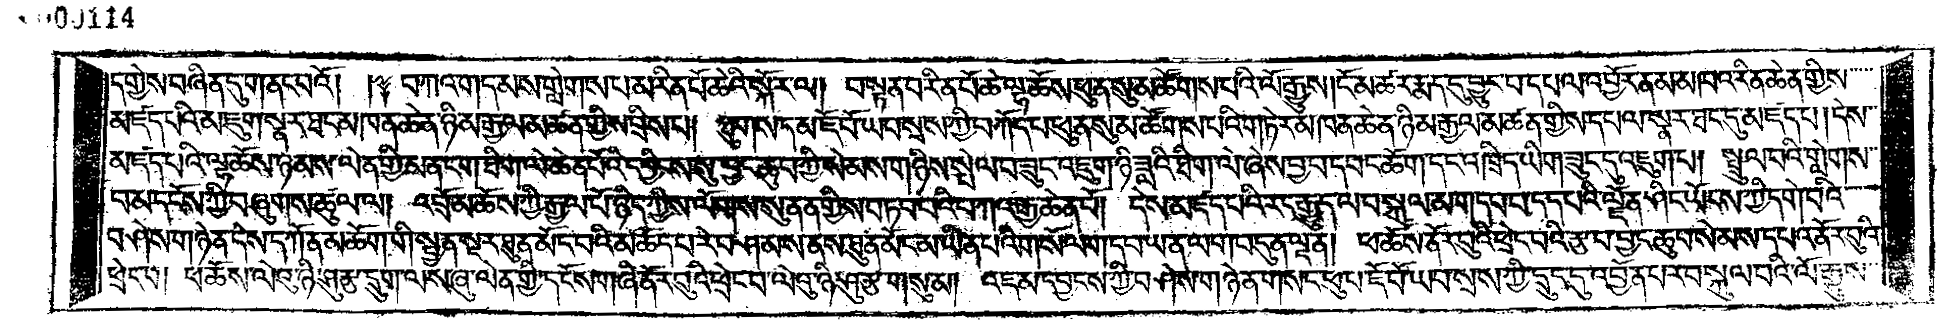དགྱེས་བཞིན་དུ་གནང་བའོ། །༈ བཀའ་གདམས་གླེགས་པ་མ་རིན་པོ་ཆེའི་སྐོར་ལ། བསྟན་པ་རིན་པོ་ཆེ་ལྷ་ཆོས་ཕུན་སུམ་ཚོགས་པའི་ལོ་རྒྱུས། ངོ་མཚར་རྨད་དུ་བྱུང་བ་དཔལ་འབྱོར་ནམ་མཁའ་རིན་ཆེན་གྱིས་
མཛད་པའི་མཇུག་སྣར་ཐང་མཁན་ཆེན་ཉི་མ་རྒྱལ་མཚན་གྱིས་བྲིས་པ། ཐུགས་དམ་ཇོ་བོ་ཡབ་སྲས་ཀྱི་བཀོད་པ་ཕུན་སུམ་ཚོགས་པའི་གཏེར་མཁན་ཆེན་ཉི་མ་རྒྱལ་མཚན་གྱིས་དཔལ་སྣར་ཐང་དུ་མཛད་པ། དེས་
མཛད་པའི་ལྷ་ཆོས་ཉམས་ལེན་གྱི་མན་ངག་ཐིག་ལེ་ཆེན་པོའི་དབྱིངས་སུ་བྱང་ཆུབ་ཀྱི་སེམས་གཉིས་སྤེལ་བཟུང་འཇུག་ཉི་ཟླའི་ཐིག་ལེ་ཞེས་བྱ་བ་དབང་ཆོ་ག་དང་འཁྲིད་ཡིག་ཟུང་དུ་འཇུག་པ། སྤྲུལ་པའི་གླེགས་
བམ་དངོས་ཀྱི་བཞུགས་ཚུལ་ལ། འབྲོ་མ་ཆོས་ཀྱི་རྒྱལ་པོ་ཉིད་ཀྱིས་ལོགས་སུ་ནན་གྱིས་བཏབ་པའི་བཀའ་རྒྱ་ཆེན་པོ། དེས་མཛད་པའི་རང་རྒྱུད་ལ་བསྐུལ་མ་གདབ་པ་དད་པའི་ལྗོན་ཤིང་ཡོངས་ཀྱི་དགེ་པའི་
བཤེས་གཉེན་དེས་དཀོན་མཆོག་གི་སྤྱན་སྔར་ཐུན་མོང་བའི་མཆོད་པ་རེ་བཤམས་ནས་ཐུན་མོང་མ་ཡིན་པའི་གསོལ་གདབ་ཡན་ལག་བདུན་ལྡན། ཕ་ཆོས་ནོར་བུའི་ཕྲེང་བའི་རྩ་བ་བྱང་ཆུབ་སེམས་དཔའ་ནོར་བུའི་
ཕྲེང་བ། ཕ་ཆོས་ལེའུ་ཉི་ཤུ་རྩ་དྲུག་ལས་ཞུ་ལེན་གྱི་དངོས་གཞི་ནོར་བུའི་ཕྲེང་བ་ལེའུ་ཉི་ཤུ་རྩ་གསུམ། འཇམ་དབྱངས་ཀྱི་བཤེས་གཉེན་གསང་ཕུ་བ་ཇོ་བོ་ཡབ་སྲས་ཀྱི་དྲུང་དུ་འབྱོན་པར་བསྐུལ་བའི་ལོ་རྒྱུས་